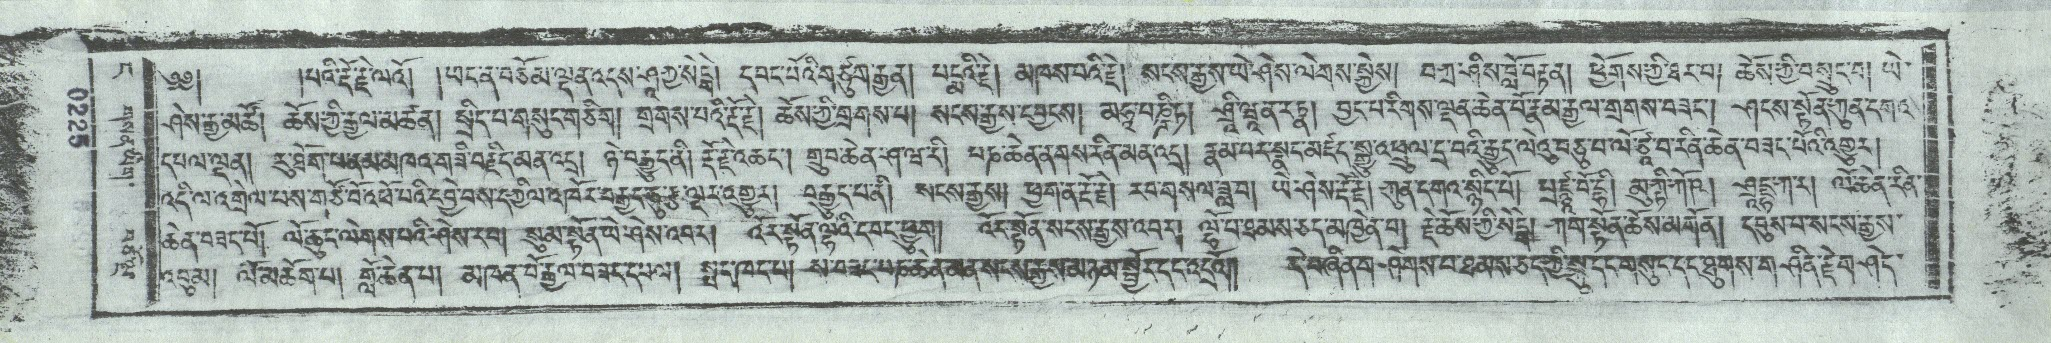༄༅། །པའི་རྡོ་རྗེ་ལའོ། །ཡང་ན་བཅོམ་ལྡན་འདས་ཤཱཀྱ་སེངྒེ། དབང་པོའི་གཙུག་རྒྱན། པདམའི་རྗེ། མཁས་པའི་རྗེ། སངས་རྒྱས་ཡེ་ཤེས་ལེགས་སྐྱེས། བཀྲ་ཤིས་བློ་བརྟན། ཕྱོགས་ཀྱི་ཐར་པ། ཆོས་ཀྱི་བསྲུང་བ། ཡེ་
ཤེས་རྒྱ་མཚོ། ཆོས་ཀྱི་རྒྱལ་མཚན། སྲིད་པ་གསུང་གཅིག། གྲགས་པའི་རྡོ་རྗེ། ཆོས་ཀྱི་གྲགས་པ། སངས་རྒྱས་དབྱངས། མཧཱ་པཎྜི་ཏ། ཤྲཱི་ཝཱ་ན་རཏྣ། བྱང་པ་རིགས་ལྡན་ཆེན་པོ་རྣམ་རྒྱལ་གྲགས་བཟང་། ཤངས་སྟོན་ཀུན་དགའ་
དཔལ་ལྡན། རུ་ཐོག་པ་ནམ་མཁའ་གཟི་བརྗིད་མན་འདྲ། ཉེ་བརྒྱུད་ནི། རྡོ་རྗེ་འཆང་། གྲུབ་ཆེན་ཤ་ཝ་རི། པཎ་ཆེན་ནགས་རིན་མན་འདྲ། རྣམ་པར་སྣང་མཛད་སྒྱུ་འཕྲུལ་དྲ་བའི་རྒྱུད་ལེའུ་བཅུ་པ་ལོ་ཙཱ་བ་རིན་ཆེན་བཟང་པོའི་འགྱུར།
འདི་ལ་འགྲེལ་པས་གཙོ་བོ་འཕོ་པའི་དབྱེ་བས་དཀྱིལ་འཁོར་བརྒྱད་ཅུ་རྩ་ལྔར་འགྱུར། བརྒྱུད་པ་ནི། སངས་རྒྱས། ཕྱག་ན་རྡོ་རྗེ། རབ་གསལ་ཟླ་བ། ཡེ་ཤེས་རྡོ་རྗེ། ཀུན་དགའ་སྙིང་པོ། པྲཛྙཱ་བོ་དྷི། མུཀྟི་ཀོ་ཥ། ཤྲཱདྡྷ་ཀ་ར། ལོ་ཆེན་རིན་
ཆེན་བཟང་པོ། ལོ་ཆུང་ལེགས་པའི་ཤེས་རབ། སུམ་སྟོན་ཡེ་ཤེས་འབར། འོར་སྟོན་ལྷའི་དབང་ཕྱུག། འོར་སྟོན་སངས་རྒྱས་འབར། ལྷོ་པ་ཐམས་ཅད་མཁྱེན་པ། རྗེ་ཆོས་ཀྱི་སེངྒེ། ཀག་སྟོན་ཆོས་མགོན། དབུས་པ་སངས་རྒྱས་
འབུམ། ལོ་མཆོག་པ། གློ་ཆེན་པ། མཁན་པོ་རྒྱལ་བཟང་དཔལ། སྤང་ཁང་པ། ས་བཟང་པཎ་ཆེན་མན་སངས་རྒྱས་མཉམ་སྦྱོར་སྤང་ཁང་པ། ས་བཟང་པཎ་ཆེན་མན་སངས་རྒྱས་མཉམ་སྦྱོར་དང་ཐུགས་གཤིན་རྗེ་གཤེད་